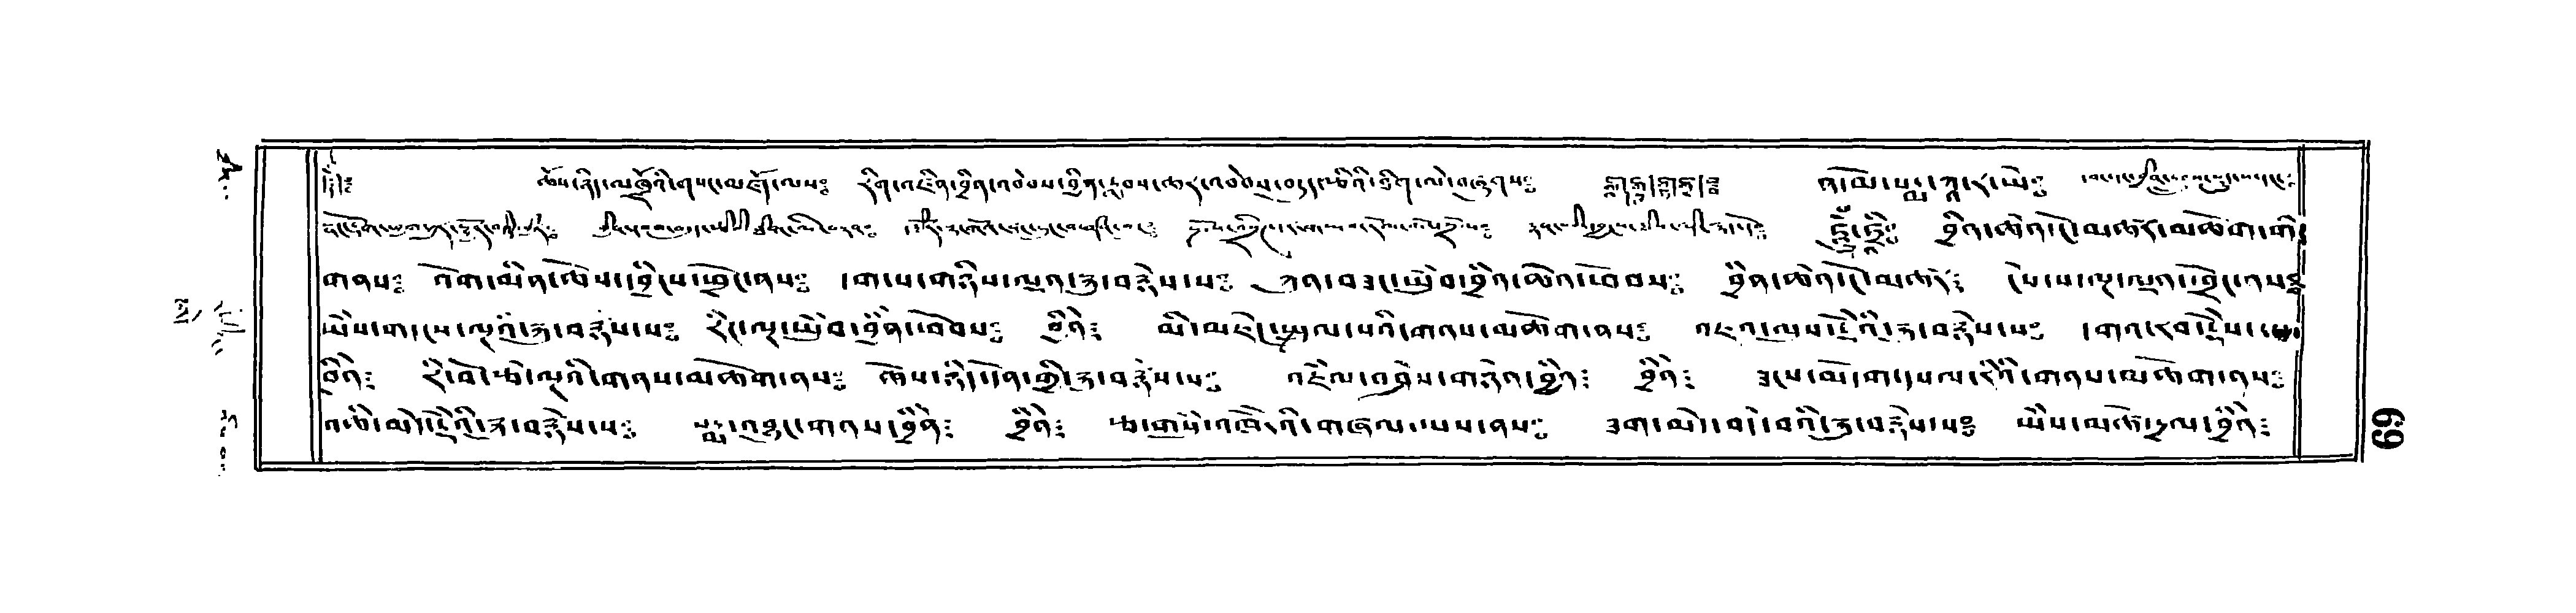ཆོས་ཉིད་མཁའ་འགྲོའི་གསང་མཛོད་ལས༔ རིག་འཛིན་བྱིན་འབེབས་བྱིན་རླབས་ཆར་འབེབས་བདུད་རྩིའི་ཐིག་ལེ་བཞུགས༔ ན་མོ་པདྨ་ཀཱ་ར་ཡེ༔ དབང་དང་བྱིན་རླབས་སྡུད་པ་དང༔ 
སྣང་རྡོར་ཕྱག་རྒྱར་སྦྱོར་བའི་ཕྱིར༔ བྱིན་དབབ་བདུད་རྩིའི་ཐིག་ལེ་བསྟནཿ དཀྱིལ་འཁོར་སྟ་གོན་གཞུང་བཞིན་བྱ༔ སྤོས་སྲེགས་དར་གཡབ་རོལ་མོ་དཀྲོལ༔ སྙན་པའི་དབྱངས་ཀྱིས་འདི་སྐད་དོ༔ ཧཱུྃ་ཧྲཱིཿ བྱིན་ཆེན་ངོ་མཚར་མཆོག་གི་
གནས༔ འོག་མིན་ཆོས་དབྱིངས་ཕོ་བྲང་ནས༔ དག་པ་གཉིས་ལྡན་སྐུ་བརྙེས་པ༔ ཀུན་བཟང་ཡབ་ཡུམ་བྱིན་ཆེན་ཕོབས༔ བྱིན་ཆེན་ངོ་མཚར༴ ངེས་པ་ལྔ་ལྡན་ཕོ་བྲང་ནས༔ 
ཡེ་ཤེས་གདངས་ལྔའི་སྐུ་བརྙེས་པ༔ རིགས་ལྔ་ཡབ་ཡུམ་བྱིན་ཆེན་ཕོབས༔ བྱིན་ཆེན༴ མི་མཇེད་སྤྲུལ་པའི་གནས་མཆོག་ནས༔ འཇའ་ལུས་རྡོ་རྗེའི་སྐུ་བརྙེས་པ༔ དགའ་རབ་རྡོ་རྗེས་བྱིན་
ཆེན༴ རི་བོ་རྩེ་ལྔའི་གནས་མཆོག་ནས༔ ཆོས་ཉིད་དོན་གྱི་སྐུ་བརྙེས་པ༔ འཇམ་དཔལ་བཤེས་གཉེན་བྱིན༴ བྱིན་ཆེན༴ ཟངས་མདོག་དཔལ་རིའི་གནས་མཆོག་ནས༔ 
འཆི་མེད་རྡོ་རྗེའི་སྐུ་བརྙེས་པ༔ པདྨ་འབྱུང་གནས་བྱིན་ཆེན༴ བྱིན་ཆེན༴ རྩ་གསུམ་འཁོར་ལོའི་གཞལ་ཡས་ནས༔ ཟག་མེད་བདེ་བའི་སྐུ་བརྙེས་པ༔ ཡེ་ཤེས་མཚོ་རྒྱལ་བྱིན་ཆེན༴